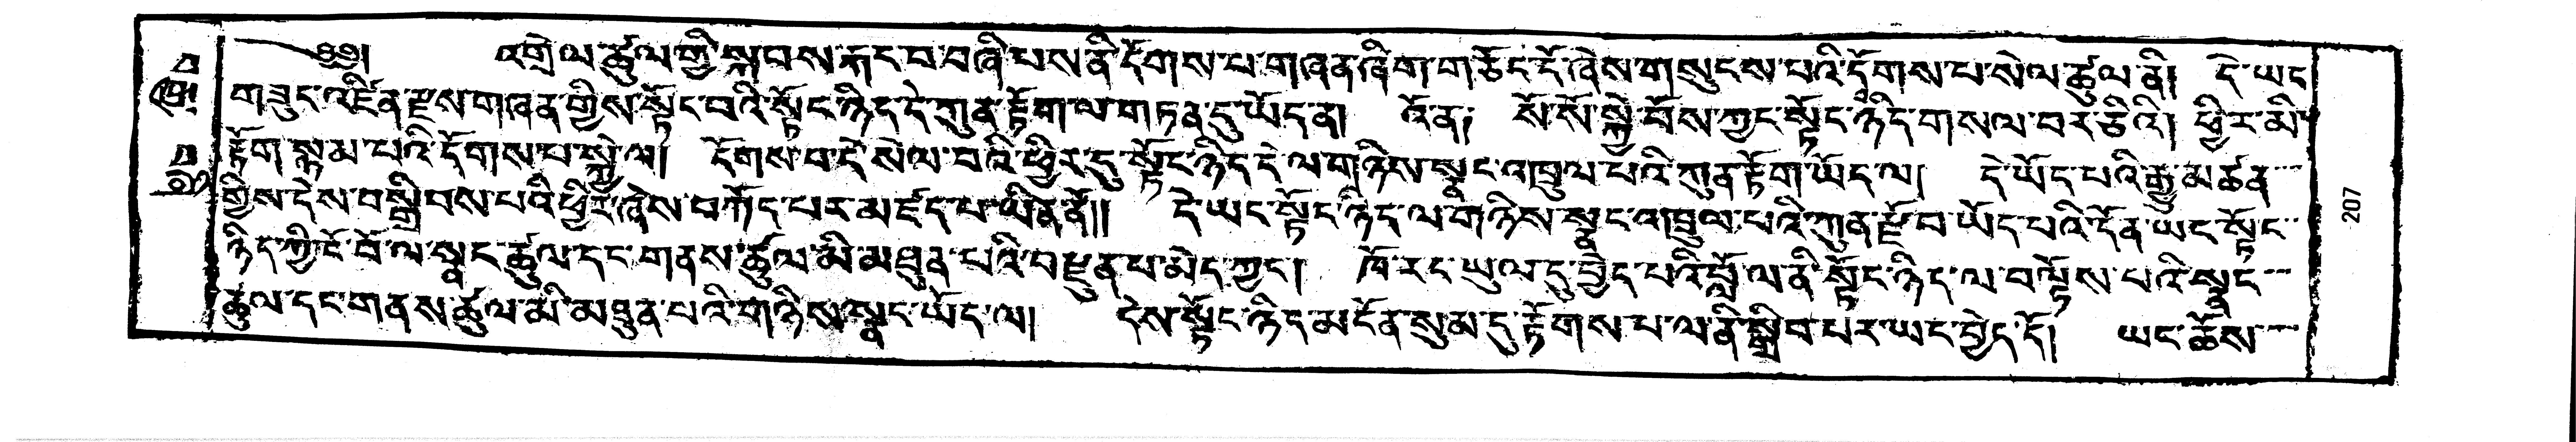༄༅། །འགྲེལ་ཚུལ་གྱི་སྐབས་རྐང་བ་བཞི་པས་ནི་དོགས་པ་གཞན་ཞིག་གཅོད་དོ་ཞེས་གསུངས་པའི་དྭོགས་པ་སེལ་ཚུལ་ནི། དེ་ཡང་
གཟུང་འཛིན་རྫས་གཞན་གྱིས་སྟོང་བའི་སྟོང་ཉིད་དེ་ཀུན་རྟོག་ལ་གཏན་དུ་ཡོད་ན། འོ་ན༑ སོ་སོ་སྐྱེ་བོས་ཀྱང་སྟོང་ཉིད་གསལ་བར་ཅིའི། ཕྱིར་མི་
རྟོག་སྙམ་པའི་དོགས་པ་སྐྱེ་ལ། དོགས་པ་དེ་སེལ་བའི་ཕྱིར་དུ་སྟོང་ཉིད་དེ་ལ་གཉིས་སྣང་འཁྲུལ་པའི་ཀུན་རྟོག་ཡོད་ལ། དེ་ཡོད་པའི་རྒྱུ་མཚན་
གྱིས་དེས་བསྒྲིབས་པའི་ཕྱིར་ཞེས་བཀོད་པར་མཛད་པ་ཡིན་ནོ།། དེ་ཡང་སྟོང་ཉིད་ལ་གཉིས་སྣང་འཁྲུལ་པའི་ཀུན་རྫོབ་ཡོད་པའི་དོན་ཡང་སྟོང་
ཉིད་ཀྱི་ངོ་བོ་ལ་སྣང་ཚུལ་དང་གནས་ཚུལ་མི་མཐུན་པའི་བརྫུན་པ་མེད་ཀྱང་། ཁོ་རང་ཡུལ་དུ་བྱེད་པའི་བློ་ལ་ནི་སྟོང་ཉིད་ལ་བལྟོས་པའི་སྣང་
ཚུལ་དང་གནས་ཚུལ་མི་མཐུན་པའི་གཉིས་སྣང་ཡོད་ལ། དེས་སྟོང་ཉིད་མངོན་སུམ་དུ་རྟོགས་པ་ལ་ནི་སྒྲིབ་པར་ཡང་བྱེད་དོ། ཡང་ཆོས་